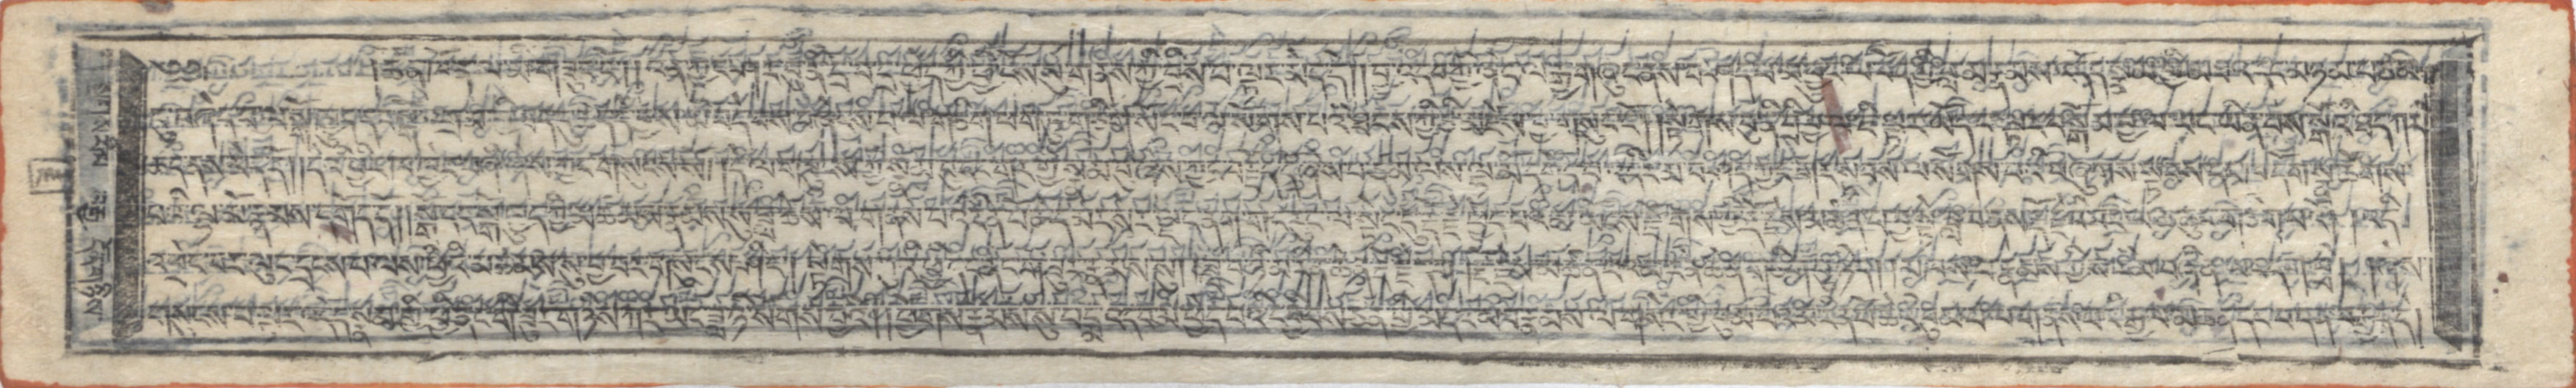༄༅། །ཚོན་ཁོ་ན་ལ་མི་གཟུང་ངོ། །འོན་ཀྱང་ཤར་བུ་ནི་དྲ་བ་དྲ་ཕྱེད་ཀྱི་ཕྱི་ངོས་སུ་གནས་ཀྱི་བྲིས་པ་ལྟར་མེད་དོ། །བྱ་འདབ་ཀྱི་ཞེང་ལ་རྒྱ་གཞུང་ནས་བཤད་པ་མ་བྱུང་ལ་བོད་ཀྱི་བླ་མ་རྣམས་འདོད་སྣམ་གྱི་མཐའ་དང་མཉམ་པ་ཙམ་
དུ་བཞེད་པ་ལ་སྒོ་ཁྱུད་དང་སྒོ་འགྲམ་གྱི་ཐད་དུ་ཚད་དེ་བྱས་མི་བདེ་བས་བཞེངས་པ་ལ་གཅིག་ཕག་ཏུ་གཅིག་སོང་བ་ལ་སོགས་པའི་ཐབས་ཀྱི་ཅི་མཛེས་བྱ་གསུང་ངོ། །སྟེགས་བུ་ནི་བྲི་བྱ་ལ་ཇི་ལྟར་ཡོད་པ་ལྟར་བསྒོམ་བྱ་ལ་ཡང་ཡིན་པས་སྒོའི་ཐད་ཀར་
ཆད་ནས་མེད་དོ། །དེའི་ཕྱིར་ཁ་ཁྱེར་བཞི་ཞེས་ཀྱང་གསུངས་སོ། །དེ་ལ་གཟུངས་ཀྱི་སྣམ་བུ་དང་གར་གྱི་སྣམ་བུ་ཞེས་ཀྱང་བརྗོད་དོ་ཞེས་པ་ཙམ་ལས་ལྷ་མོ་དགོད་པ་འདིར་མ་བཤད་ཀྱང་གར་སྟབས་ལ་སོགས་པའི་བཞུགས་སྟབས་དང་ཁ་དོག་སྣ་ཚོགས་
པའི་ལྷ་མོ་རྣམས་དགོད་དོ། །སྒོ་དང་སྒོ་ཁྱུད་ཀྱི་མཚམས་རྣམས་སུ་ཟླ་ཚེས་ལ་གནས་པའི་རིན་པོ་ཆེ་དམར་སེར་ལྗང་ནག་གང་རུང་ལ་སྟེང་དུ་རྡོ་རྗེ་ཕྱེད་པའམ་ཡོངས་རྫོགས་ཀྱི་རྡོ་རྗེས་མཚན་པ་བྱ་སྟེ་ཟླ་བ་ནས་རྡོ་རྗེའི་བར་ལ་ཆ་ཆུང་གཅིག་པའོ། །འདི་
འཕྲེང་བར་ལུང་དྲངས་པ་ལས་ཕྱིའི་མཚམས་སུ་བྱ་བར་གསུངས་ཤིང་། སྟེགས་བུའི་ཕྱི་དང་ནང་གི་ཟུར་རྣམས་སུ། །ཟླ་བ་ཉི་མ་རིན་ཆེན་རྡོ་རྗེ་དག །རྡོ་རྗེས་མཚན་པའམ་རིན་ཆེན་གཅིག་པུ་ཉིད། །མཁས་པ་རྣམས་ཀྱིས་རིམ་བཞིན་ཡང་དག་བྲི། །ཞེས་
གསུངས་པ་ལྟར་འདོད་སྣམ་གྱི་ཕྱི་ནང་གི་ཟུར་གཉིས་ཀར་ཡང་ཟླ་ཉི་སོགས་བྱའོ། །ཕྱོགས་རྣམས་སུ་པདམ་འདབ་མ་ཕྱེད་པའི་དབྱིབས་ཅན་གྱི་མདའ་ཡབ་རྣམས་ལ་གསེར་གྱི་བུམ་པའམ་རིན་པོ་ཆེའི་བུམ་པ་ལ་གནས་པའི་རྒྱལ་མཚན་དང་བ་དན་བརྒྱད་དེ།